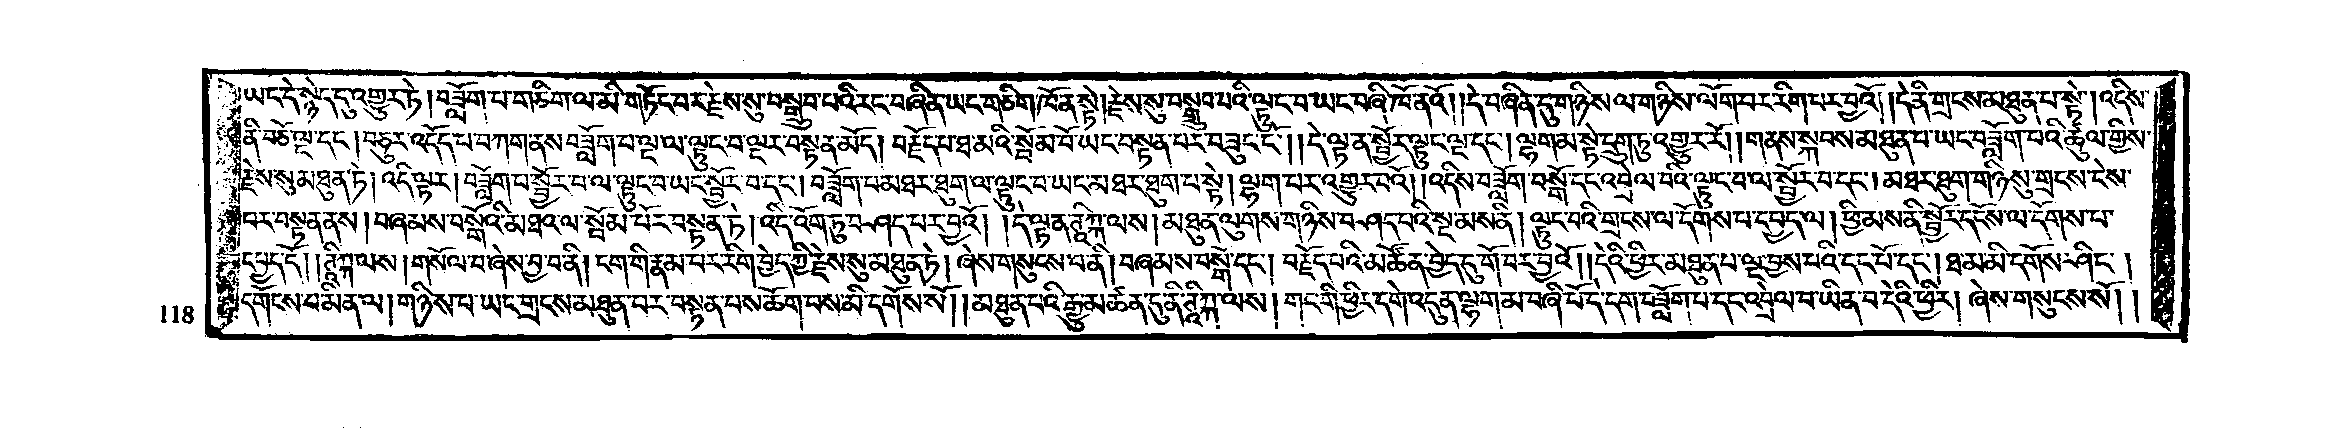ཡང་དེ་སྙེད་དུ་འགྱུར་ཏེ། བཟློག་པ་གཅིག་ལ་མི་གཏོང་བར་རྗེས་སུ་བསྒྲུབ་པའི་རང་བཞིན་ཡང་གཅིག་ཁོ་ན་སྟེ། རྗེས་སུ་བསྒྲུབ་པའི་ལྟུང་བ་ཡང་བཞི་ཁོ་ནའོ། །དེ་བཞིན་དུ་གཉིས་ལ་གཉིས་ལོག་པར་རིག་པར་བྱའོ། །དེ་ནི་གྲངས་མཐུན་པ་སྟེ། འདིས་
ནི་བཅོ་ལྔ་དང་། བཅུར་འདོད་པ་བཀག་ནས་བཟློག་པ་ལྔ་ལ་ལྟུང་བ་ལྔར་བསྟན་མོད། བརྗོད་པ་ཐ་མའི་སྦོམ་པོ་ཡང་བསྟན་པར་བཟུང་ངོ། །དེ་ལྟ་ན་སྦྱོར་ལྟུང་ལྔ་དང་། ལྷག་མ་སྟེ་དྲུག་ཏུ་འགྱུར་རོ། །གནས་སྐབས་མཐུན་པ་ཡང་བཟློག་པའི་ཚུལ་གྱིས་
རྗེས་སུ་མཐུན་ཏེ། འདི་ལྟར། བཟློག་པ་སྦྱོར་བ་ལ་ལྟུང་བ་ཡང་སྦྱོར་བ་དང་། བཟློག་པ་མཐར་ཐུག་ལ་ལྟུང་བ་ཡང་མཐར་ཐུག་པ་སྟེ། ལྷག་པར་འགྱུར་བའོ། །འདིས་བཟློག་བསྒོ་དང་འབྲེལ་བའི་ལྟུང་བ་ལ་སྦྱོར་བ་དང་། མཐར་ཐུག་གཉིས་སུ་གྲངས་ངེས་
པར་བསྟན་ནས། བཞམས་བསྒོའི་མཐའ་ལ་སྦོམ་པོར་བསྟན་ཏེ། འདི་འོག་ཏུ་བཤད་པར་བྱའོ། །དེ་ལྟ་ན་ཊཱིཀྐ་ལས། མཐུན་ལུགས་གཉིས་བཤད་པའི་སྔ་མས་ནི། ལྟུང་བའི་གྲངས་ལ་དོགས་པ་དཔྱད་ལ། ཕྱི་མས་ནི་སྦྱོར་དངོས་ལ་དོགས་པ་
དཔྱད་དོ། །ཊཱིཀྐ་ལས། གསོལ་བ་ཞེས་བྱ་བ་ནི། ངག་གི་རྣམ་པར་རིག་བྱེད་ཀྱི་རྗེས་སུ་མཐུན་ཏེ། ཞེས་གསུངས་པ་ནི། བཞམས་བསྒོ་དང་། བརྗོད་པའི་མཚོན་བྱེད་དུ་གོ་བར་བྱའོ། །དེའི་ཕྱིར་མཐུན་པ་ལྔ་བྱས་པའི་དང་པོ་དང་། ཐ་མ་མི་དགོས་ཤིང་།
དགོངས་པ་མིན་ལ། གཉིས་པ་ཡང་གྲངས་མཐུན་པར་བསྟན་པས་ཆོག་པས་མི་དགོས་སོ། །མཐུན་པའི་རྒྱུ་མཚན་དུ་ནི་ཊཱིཀྐ་ལས། གང་གི་ཕྱིར་དགེ་འདུན་ལྷག་མ་བཞི་པོ་དེ་དག་བཟློག་པ་དང་འབྲེལ་བ་ཡིན་པ་དེའི་ཕྱིར། ཞེས་གསུངས་སོ། །